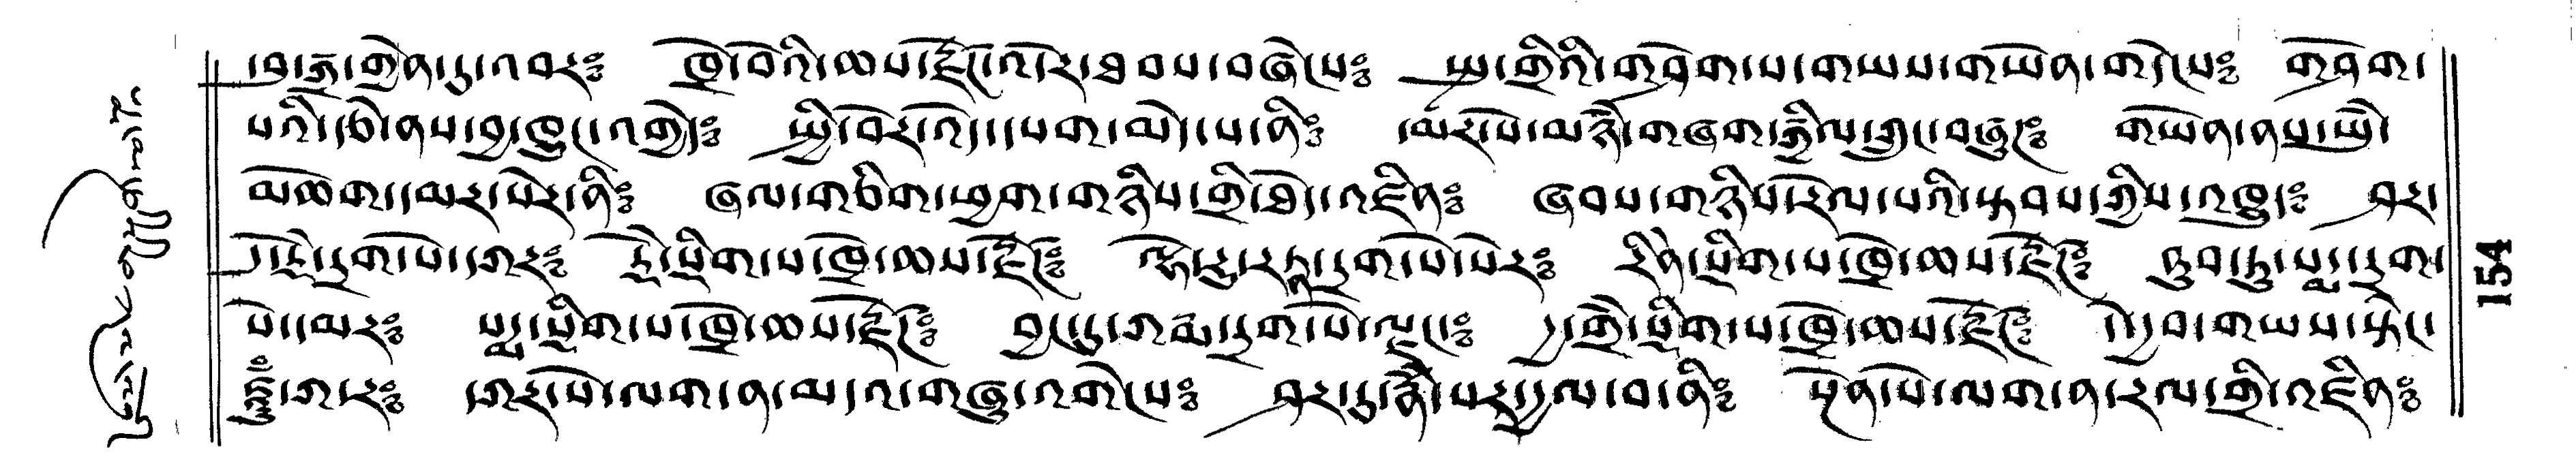དབུ་སྐྲ་གྱེན་དུ་འབར༔ ཁྲོ་བོའི་ཆས་རྫོགས་དོར་སྟབས་བཞེངས༔ སྤུ་གྲིའི་གཤོག་པ་གཡས་གཡོན་གདེངས༔ གཤོག་
པའི་རྩེ་ནས་བྱ་ཁྱུང་འགྱེད༔ སྤྱི་བོར་འོད་དཔག་མེད་པ་ནི༔ དམར་པོ་མཉམ་གཞག་སྐྱིལ་ཀྲུང་བཞུགས༔ གཡོན་ནས་ཡུམ་
མཆོག་དམར་སེར་ནི༔ ཞལ་གཅིག་ཕྱག་གཉིས་གྲི་ཐོད་འཛིན༔ ཞབས་གཉིས་རོལ་པའི་སྟབས་ཀྱིས་འཁྱུད༔ ཤར་
དུ་རྡོ་རྗེ་དྲག་པོ་དཀར༔ རྡོ་རྗེ་སྡིག་པ་ཁྲོ་ཆས་རྫོགས༔ ལྷོ་རུ་རཏྣ་དྲག་པོ་སེར༔ རིན་ཆེན་སྡིག་པ་ཁྲོ་ཆས་རྫོགས༔ ནུབ་ཏུ་པདྨ་དྲག་
པོ་དམར༔ པདྨ་སྡིག་པ་ཁྲོ་ཆས་རྫོགས༔ བྱང་དུ་ཀརྨ་དྲག་པོ་ལྗང༔ རྒྱ་གྲམ་སྡིག་པ་ཁྲོ་ཆས་རྫོགས༔ དེ་རྒྱབ་གཡས་སྟེང་
ཧཱུྃ་ཀ་ར༔ དཀར་པོ་ལག་ན་མདའ་གཞུ་འགེངས༔ ཤར་དུ་རྣམ་པར་རྒྱལ་བ་ནི༔ སྔོན་པོ་ལག་ན་རལ་གྲི་འཛིན༔